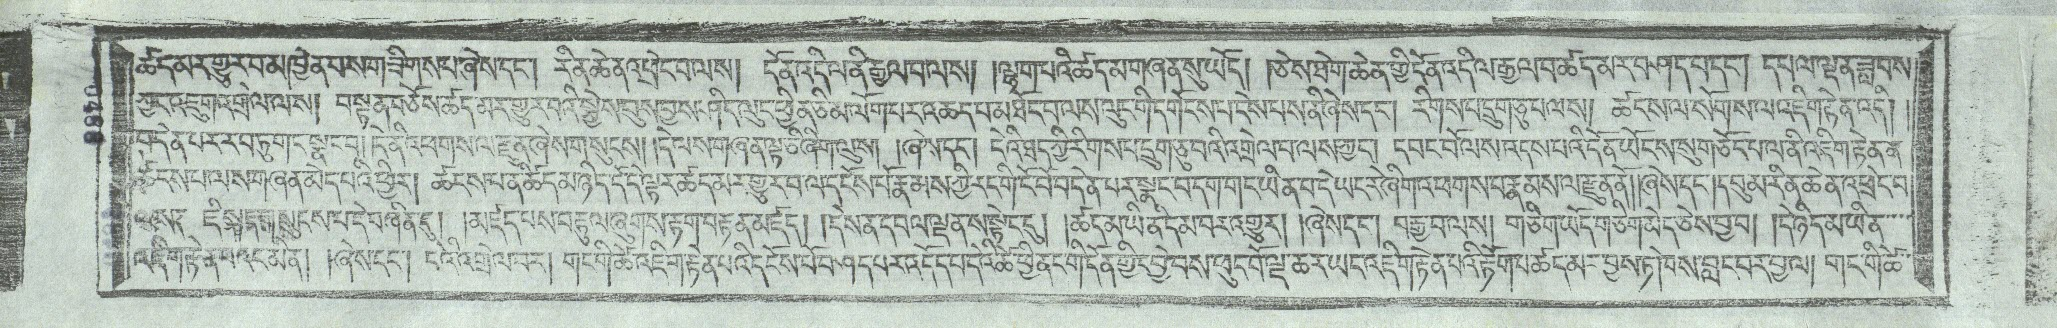ཚད་མར་གྱུར་བ་མཁྱེན་པས་གཟིགས་པ་ཞེས་དང་། རིན་ཆེན་འཕྲེང་བ་ལས། དོན་འདི་ལ་ནི་རྒྱལ་བ་ལས། །ལྷག་པའི་ཚད་མ་གཞན་སུ་ཡོད། །ཅེས་ཐེག་ཆེན་གྱི་དོན་འདི་ལ་རྒྱལ་བ་ཚད་མར་བཤད་པ་དང་། དཔལ་ལྡན་ཟླ་བས་
ཀྱང་འཇུག་འགྲེལ་ལས། བསྟན་བཅོས་ཚད་མར་གྱུར་བའི་སྐྱེས་བུས་བྱས་ཤིང་ལུང་ཕྱིན་ཅི་མ་ལོག་པར་འཆད་པ་མཐོང་བ་ལས་ལུང་གི་དགོངས་པ་ངེས་པས་ནི་ཞེས་དང་། རིགས་པ་དྲུག་ཅུ་པ་ལས། ཚད་སལ་སོགས་ལ་འཇིག་རྟེན་འདི། །
བདེན་པར་རབ་ཏུ་གང་སྣང་བ། །དེ་ནི་འཕགས་ལ་རྫུན་ཞེས་གསུངས། །དེ་ལས་གཞན་ལྟ་ཅི་ཞིག་ལུས། །ཞེས་དང་། དེའི་ཐད་ཀྱི་རིགས་པ་དྲུག་ཅུ་བའི་འགྲེལ་བ་ལས་ཀྱང་། དབང་པོ་ལས་འདས་པའི་དོན་ཡོངས་སུ་གཅོད་པ་ལ་ནི་འཇིག་རྟེན་ན་
ཚངས་པ་ལས་གཞན་མེད་པའི་ཕྱིར། ཚངས་པ་ནི་ཚད་མ་ཉིད་དོ་དེ་ལྟར་ཚད་མར་གྱུར་བ་ལ་དངོས་པོ་རྣམས་ཀྱི་རང་གི་ངོ་བོ་བདེན་པར་སྣང་བ་དག་གང་ཡིན་པ་དེ་ཡང་རེ་ཞིག་འཕགས་པ་རྣམས་ལ་རྫུན་ནོ། །ཞེས་དང་། དབུ་མ་རིན་ཆེན་འཕྲེང་བ་
ལས༑ ཇི་སྐད་གསུངས་པ་དེ་བཞིན་དུ། །མཛད་པས་བརྟུལ་ཞུགས་རྟག་བརྟན་མཛད། །དེས་ན་དཔལ་ལྡན་ས་སྟེང་དུ། །ཚད་མ་ཡི་ནི?་དམ་པར་འགྱུར། །ཞེས་དང་། བརྒྱ་བ་ལས། གཅིག་ཡོད་གཅིག་མེད་ཅེས་བྱ་བ། །དེ་ཉིད་མ་ཡིན་
འཇིག་རྟེན་པའང་མིན། །ཞེས་དང་། དེའི་འགྲེལ་བར། གང་གི་ཚེ་འཇིག་རྟེན་པའི་དངོས་པོ་བཤད་པར་འདོད་པ་དེའི་ཚེ་ཕྱི་ནང་གི་དོན་གྱི་དབྱེ་བས་ཕུང་པོ་ལྔ་ཆར་ཡང་འཇིག་རྟེན་པའི་རྟོག་པ་ཚད་མར་བྱས་ཏེ་ཁས་བླང་བར་བྱ་ལ། གང་གི་ཚེ་